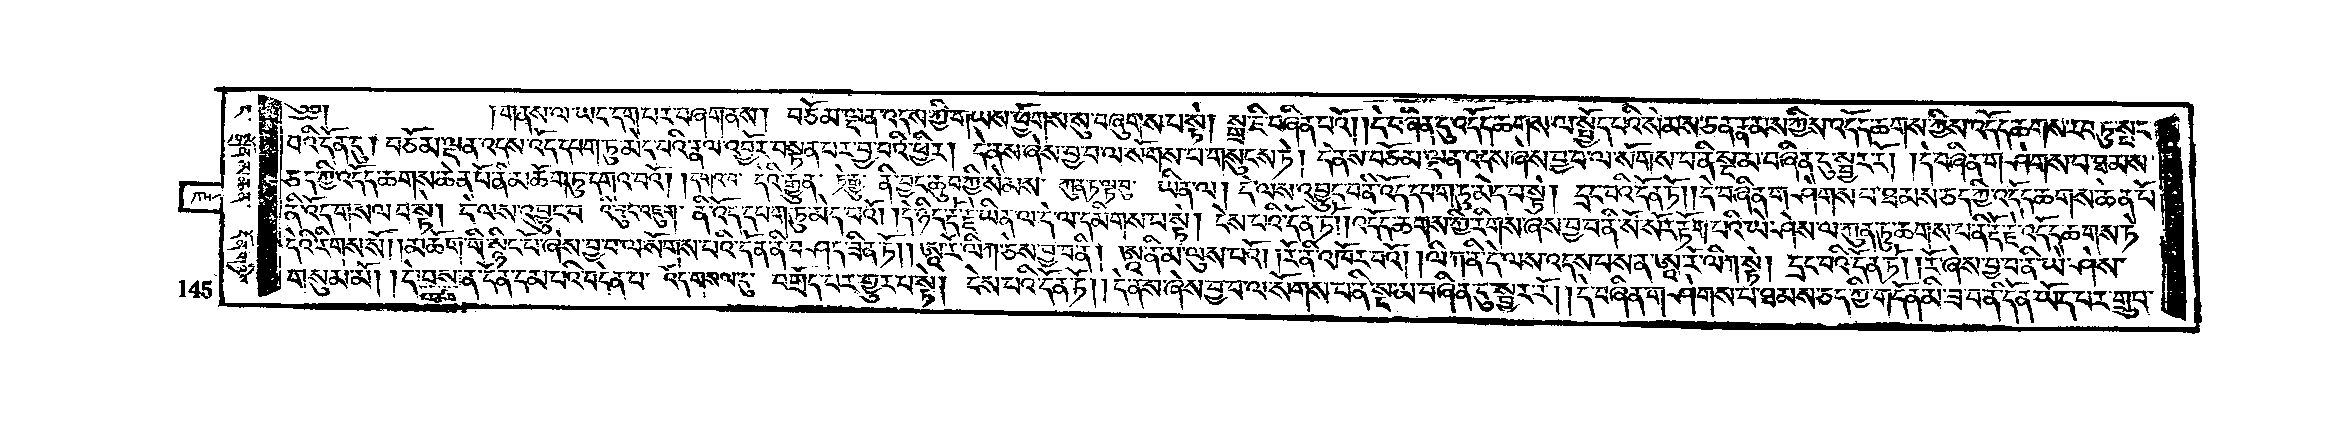༄༅། །གནས་ལ་ཡང་དག་པར་བཞག་ནས། བཅོམ་ལྡན་འདས་ཀྱི་གཡས་ཕྱོགས་སུ་བཞུགས་པ་སྟེ། སྒྲ་ཇི་བཞིན་པའོ། །དེ་བཞིན་དུ་འདོད་ཆགས་ལ་སྤྱོད་པའི་སེམས་ཅན་རྣམས་ཀྱིས་འདོད་ཆགས་ཀྱིས་འདོད་ཆགས་རབ་ཏུ་སྤང་
བའི་དོན་དུ། བཅོམ་ལྡན་འདས་འོད་དཔག་ཏུ་མེད་པའི་རྣལ་འབྱོར་བསྟན་པར་བྱ་བའི་ཕྱིར། དེ་ནས་ཞེས་བྱ་བ་ལ་སོགས་པ་གསུངས་ཏེ། དེ་ནས་བཅོམ་ལྡན་འདས་ཞེས་བྱ་བ་ལ་སོགས་པ་ནི་སྔ་མ་བཞིན་དུ་སྦྱར་རོ། །དེ་བཞིན་གཤེགས་པ་ཐམས་
ཅད་ཀྱི་འདོད་ཆགས་ཆེན་པོ་ནི་མཆོག་ཏུ་དགའ་བའོ། ། དགའ་བ་དེའི་རྒྱུན་ཏེ་རྒྱུ་ནི་བྱང་ཆུབ་ཀྱི་སེམས་ཀུན་ཏ་ལྟ་བུ་ཡིན་ལ། དེ་ལས་འབྱུང་བ་ནི་འོད་དཔག་ཏུ་མེད་པ་སྟེ། དྲང་བའི་དོན་ཏོ། །དེ་བཞིན་གཤེགས་པ་ཐམས་ཅད་ཀྱི་འདོད་ཆགས་ཆེན་པོ་
ནི་འོད་གསལ་བ་སྟེ། དེ་ལས་འབྱུང་བའི་ཟུང་འཇུག་ནི་འོད་དཔག་ཏུ་མེད་པའོ། །དེ་ཉིད་རྡོ་རྗེ་ཡིན་ལ་དེ་ལ་དམིགས་པ་སྟེ། ངེས་པའི་དོན་ཏོ། །འདོད་ཆགས་ཀྱི་རིགས་ཞེས་བྱ་བ་ནི་སོ་སོར་རྟོག་པའི་ཡེ་ཤེས་ལ་ཀུན་ཏུ་ཆགས་པ་ནི་རྡོ་རྗེ་འདོད་ཆགས་ཏེ་
དེའི་རིགས་སོ། །མཆོག་གི་སྙིང་པོ་ཞེས་བྱ་བ་ལ་སོགས་པའི་དོན་ནི་བཤད་ཟིན་ཏོ། །ཨཱ་རོ་ལིཀ་ཅེས་བྱ་བ་ནི། ཨཱ་ནི་མ་ལུས་པའོ། །རོ་ནི་འཁོར་བའོ། །ལིཀ་ནི་དེ་ལས་འདས་པས་ན་ཨཱ་རོ་ལིཀ་སྟེ། དྲང་བའི་དོན་ཏོ། །རོ་ཞེས་བྱ་བ་ནི་ཡེ་ཤེས་
གསུམ་མོ། །དེ་པ་ཚབ་ལས་?་བས་ན་དོན་དམ་པའི་བདེན་པ་འོད་གསལ་དུ་བགྲོད་པར་གྱུར་པ་སྟེ། ངེས་པའི་དོན་ཏོ། །དེ་ནས་ཞེས་བྱ་བ་ལ་སོགས་པ་ནི་སྔ་མ་བཞིན་དུ་སྦྱར་རོ། །དེ་བཞིན་གཤེགས་པ་ཐམས་ཅད་ཀྱི་གདོན་མི་ཟ་བ་ནི་དོན་ཡོད་པར་གྲུབ་